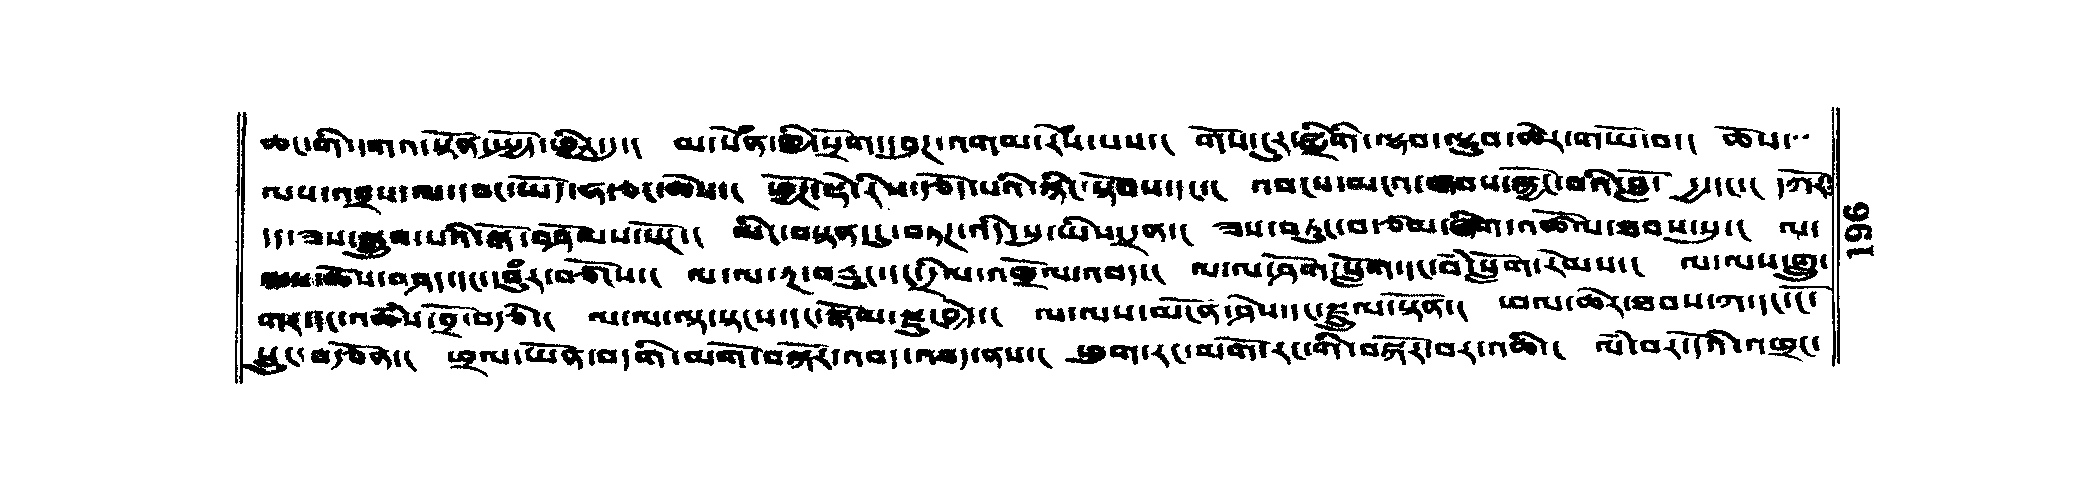ཆང་གི་དགའ་སྟོན་སྤྱོད་ཕྱིར་དུ། །མ་སེམས་ཅན་གྱི་སྲོག་དབུགས་འགམ་རེམས་པས། །གོས་ངུར་སྨྲིག་གི་ལྷབ་ལྷུབ་ཆེར་གཡོ་བ། །ཆོས་
ལས་འབྲས་ལ་དབང་ཡོད་ཧ་ཅང་ཆེས། །ཕྱོགས་སྡེ་རིས་རྩོད་པའི་སྙིང་སྟོབས་དང་། །འབངས་མངའ་ཞབས་སྐྱོང་བའི་བློ་རྒྱ་དང་། །དཀོར་
དད་ཟས་སྒྲུབ་པའི་སྒོ་བཤོམས་སོགས། །མིང་བསྟན་པ་རུ་བཏགས་འདི་སུ་ཡིས་དྲན། །ཟས་བཏུང་བ་ཙམ་ཞིག་འཚོལ་ཐབས་སུ། །ལ་
ལས་ཆོས་བཤད་དང་དབང་བསྐུར་བཙོངས། །ལ་ལ་རྔ་བརྡུང་དང་དྲིལ་འཁྲེལ་འབད། །ལ་ལ་ཤོག་སློག་དང་བམ་སློག་རེམས། །ལ་ལས་གླུ་
གར་དང་མཚམས་དྲི་བརྩེ། །ལ་ལ་ལྟ་སྟངས་དང་སྒོམ་རྫུ་བྱེད། །ལ་ལས་མངོན་ཤེས་དང་རྫུ་འཕྲུལ་སྟོན། །ཕལ་ཆེར་ཐབས་ཀ་དང་ང་
སྲུང་བརྩོན། །ཕྲལ་ཡོན་བདག་གི་མགོ་བསྐོར་འབད་འབད་ནས། །ཕུག་རང་མགོ་རང་གི་བསྐོར་བར་འཆི། །ལམ་བར་དོའི་འཕྲང་